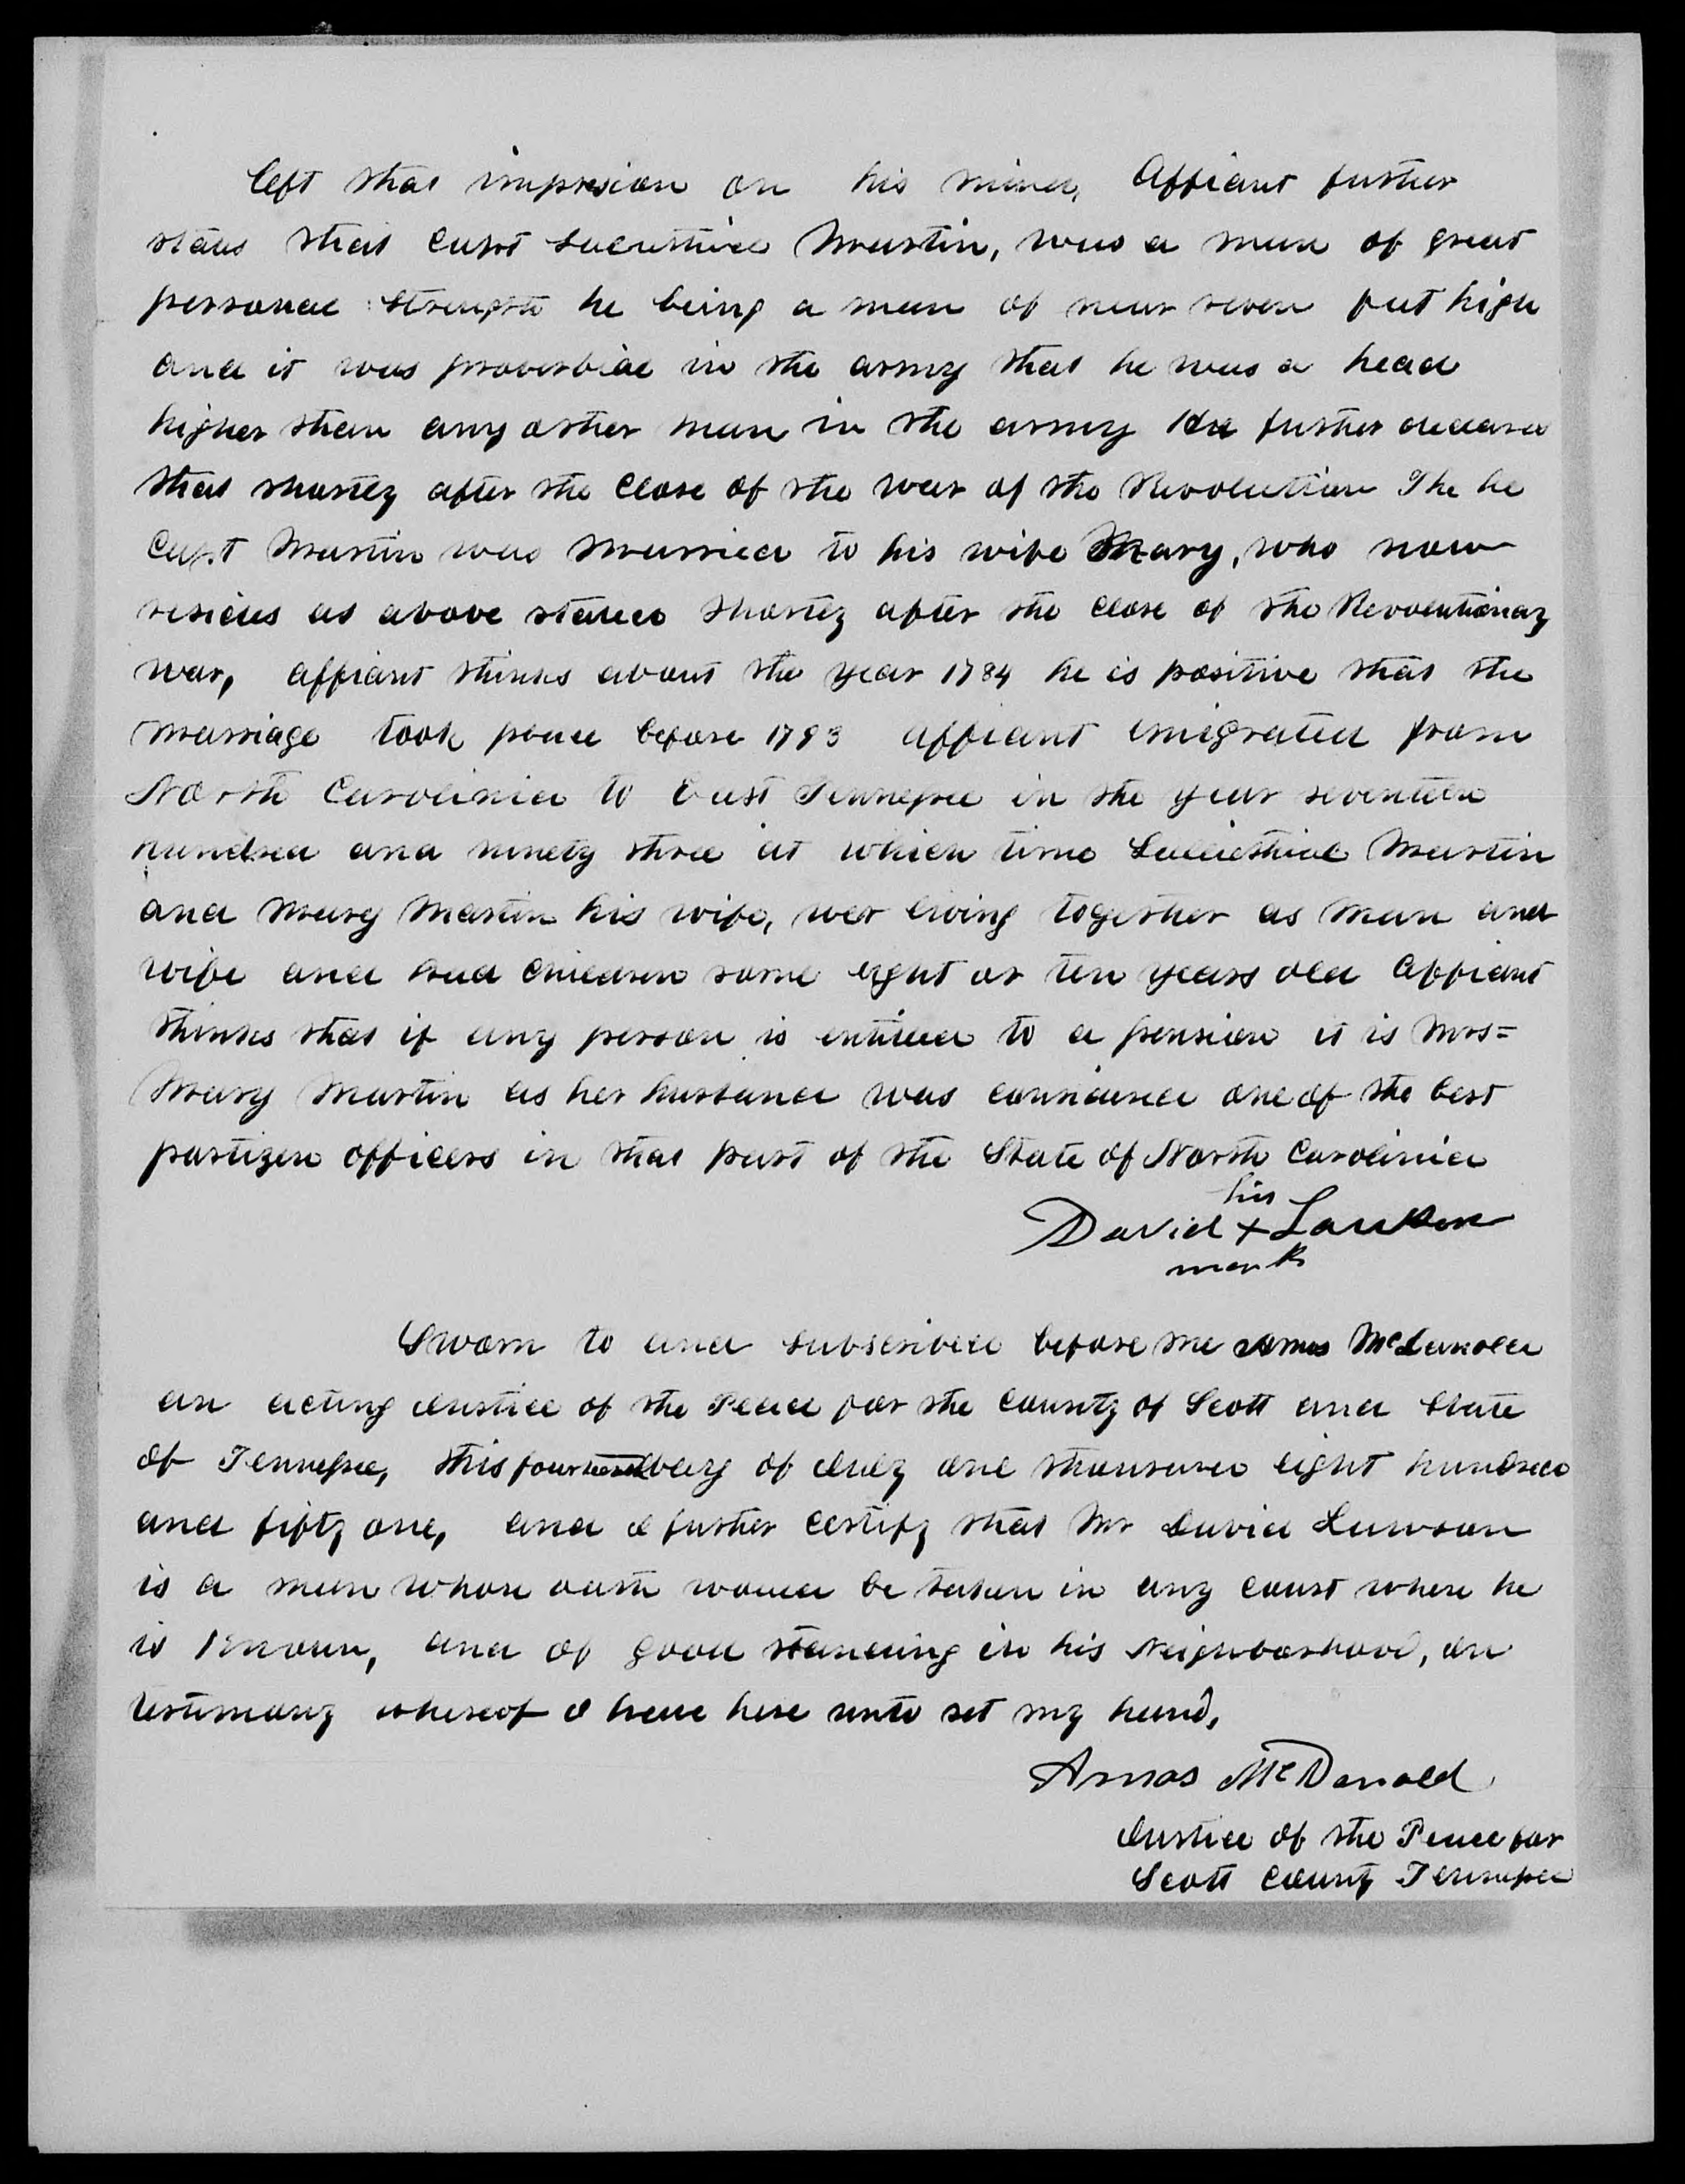left that impression on his mind, Affiant further
says that Capt Salathiel Martin, was a man of great
personal strength he being a man of near seven feet high
and it was proverbial in the army that he was a head
higher than any other man in the army He further declared
that shortly after the close of the war of the Revolution The he
Capt Martin was married to his wife Mary, who now
resides as above stated shortly after the close of the Revolutionary war,
Affiant thinks about the year 1784 he is positive that the
marriage took place before 1783  Affiant emigrated from
North Carolina to East Tennessee in the year seventeen
hundred and ninety three at which time Salathiel Martin
and Mary Martin his wife, were living together as man and
wife and had children some eight or ten years old Affiant
thinks that if any person is entitled to a pension is is Mrs=
Mary Martin as her husband was considered one of the best
partizen [partisan] officers in that part of the State of North Carolina
David his x mark Lawson

Sworn to and subscribed before me James McDonald
an acting Justice of the Peace for the County of Scott and State 
of Tennessee, this fourteenth day of July one thousand eight hundred
and fifty one, and I further certify that Mr David Lawson
is a man whose oath would be taken in any cause where he
is known, and of good standing in his neighborhood, In
testimony whereof I have here unto set my hand,
Amos McDonald
Justice of the Peace for
Scott County Tennessee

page: 75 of 120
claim: widow's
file: W. 1044, for Salathiel Martin, North Carolina